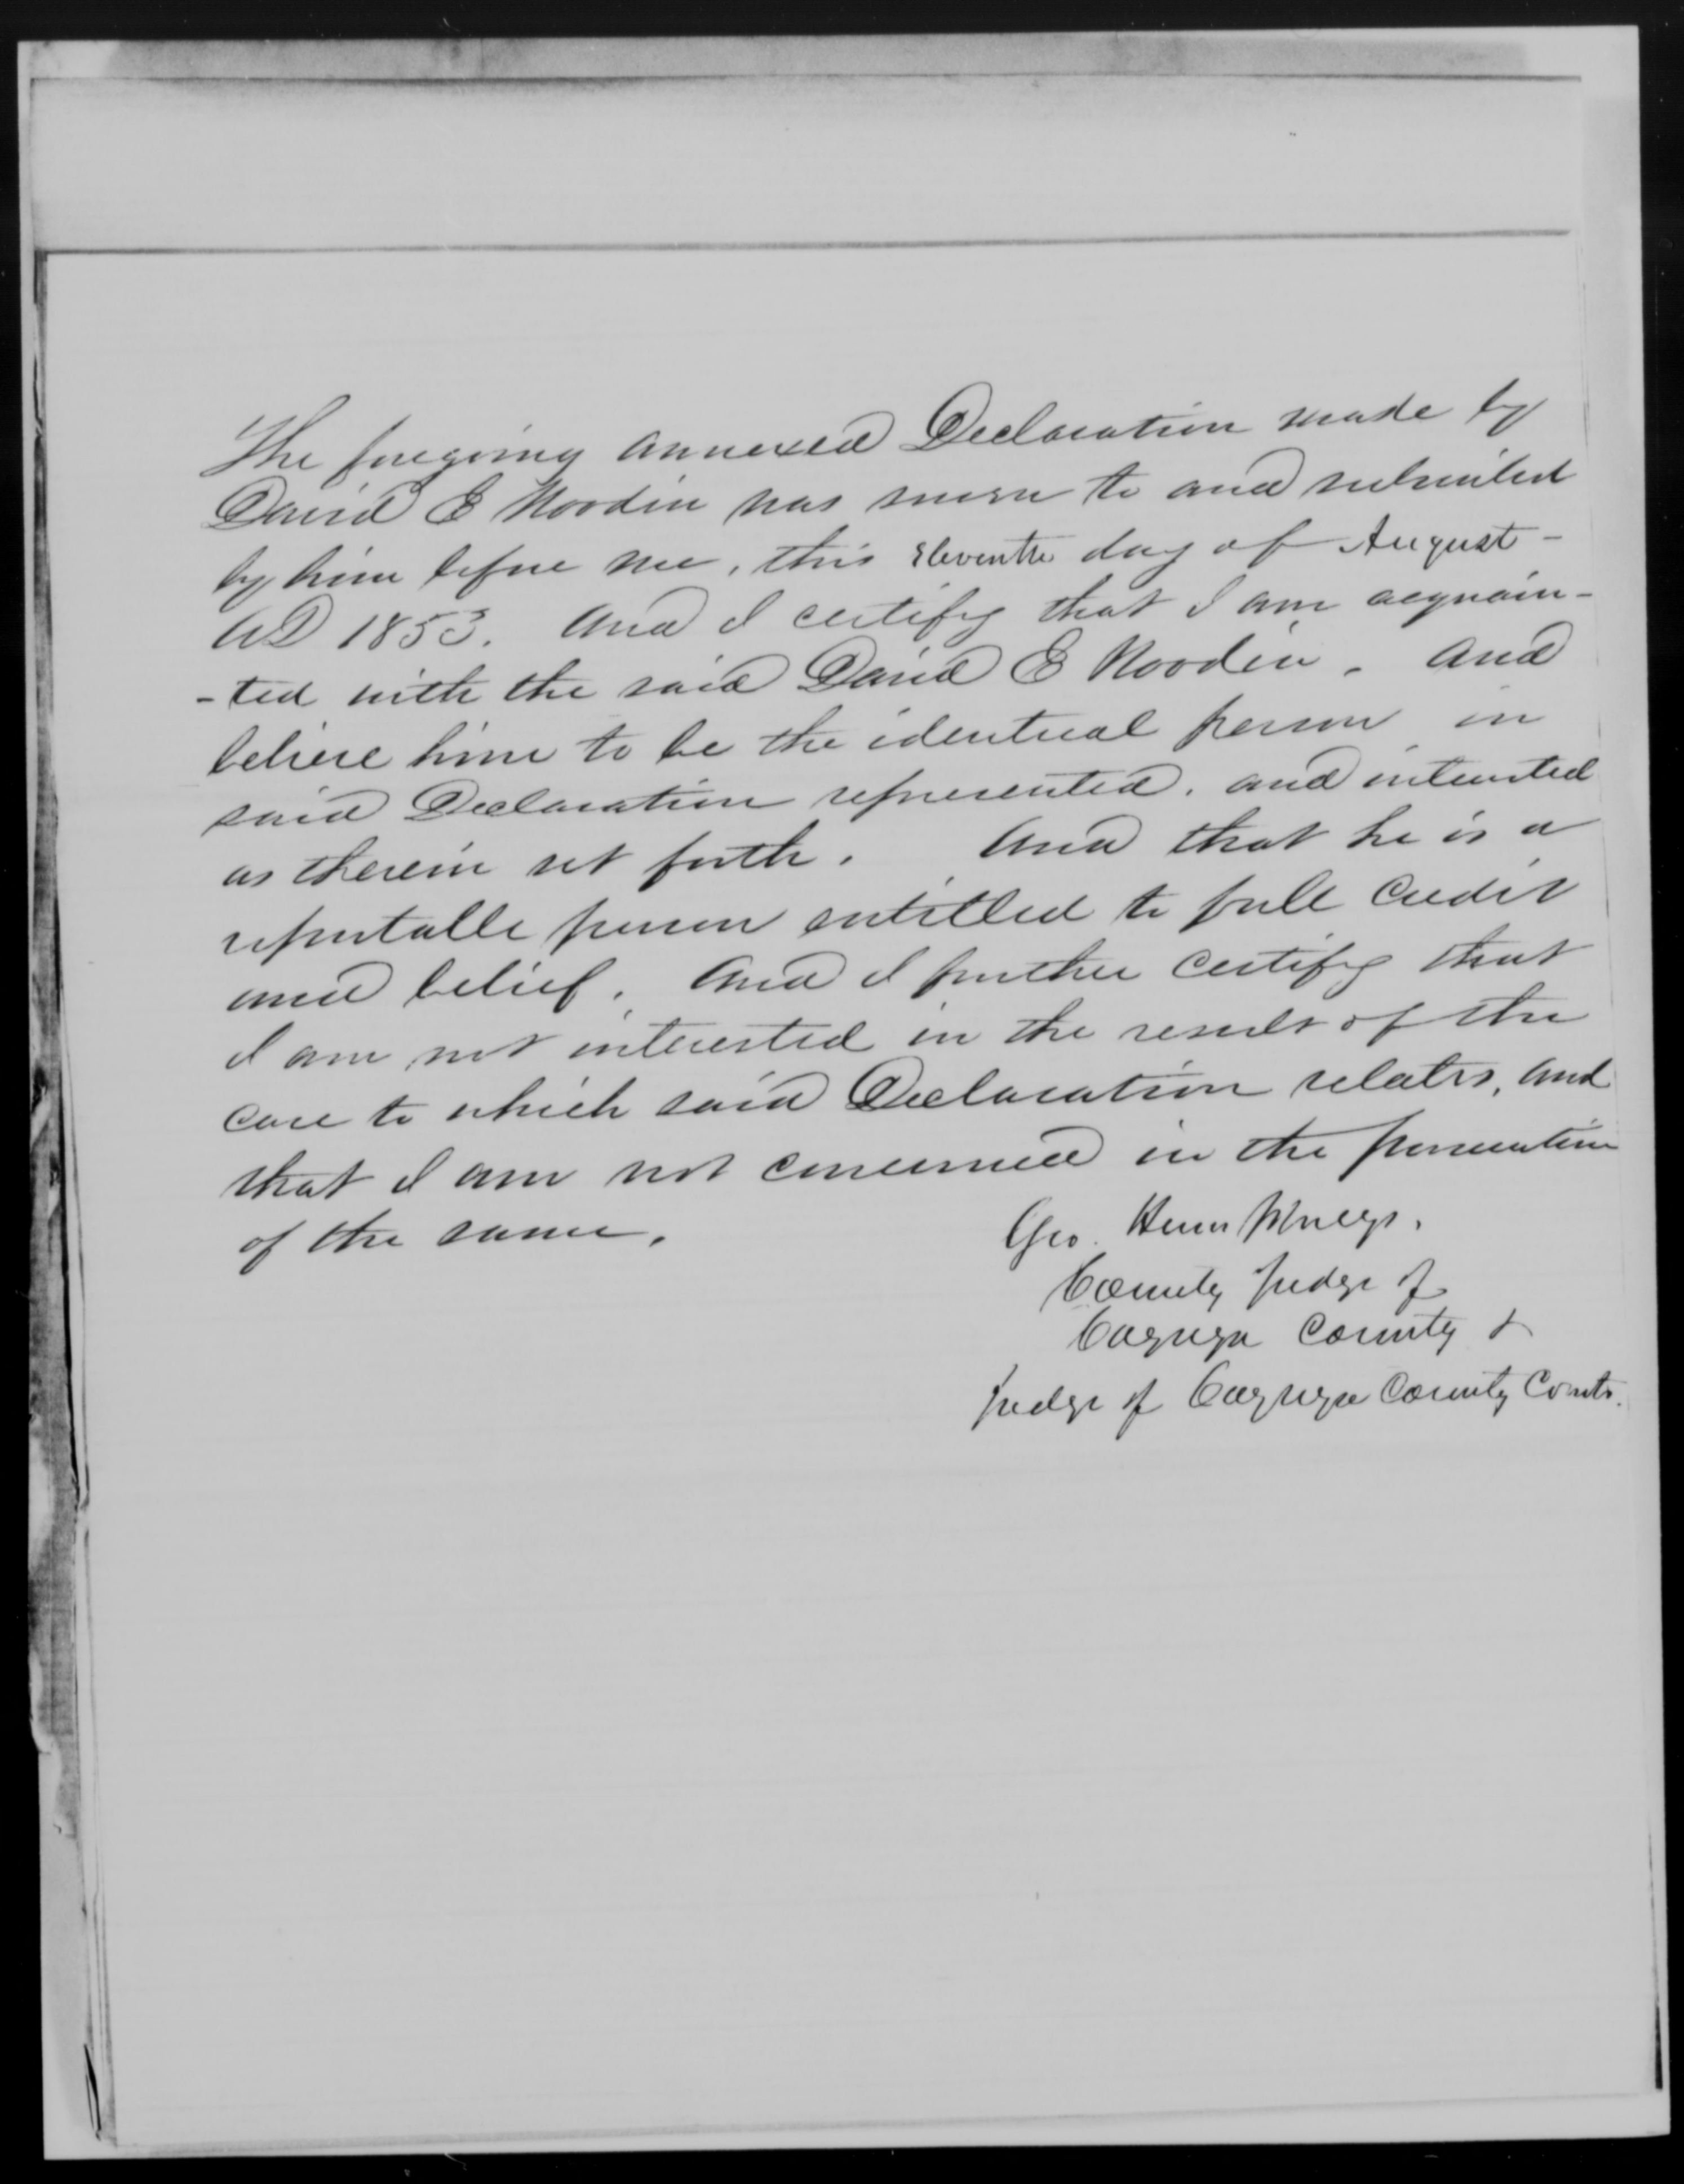the foregoing annexed Declaration made by David E. Woodin was sworn to and submited by him before me, this Eleventh day of August AD 1853. And I certify that I am acquainted with the said David E Woodin, and believe him to be the identical person in said Declaration represented, and intented as therein set forth. And that he is a reputable person entitled to full credit and belief, and I further certify that I am not interested in the result of the case to which said Declaration relates, and that I am not concerned in the prosecution of the same, 
Geo Humphreys County Judge of Cayuga County & Judge of Cayuga County Courts.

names: David E Woodin, Geo Humphreys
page: 7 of 77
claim: widow's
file: W. 19658, John Woodin, New York